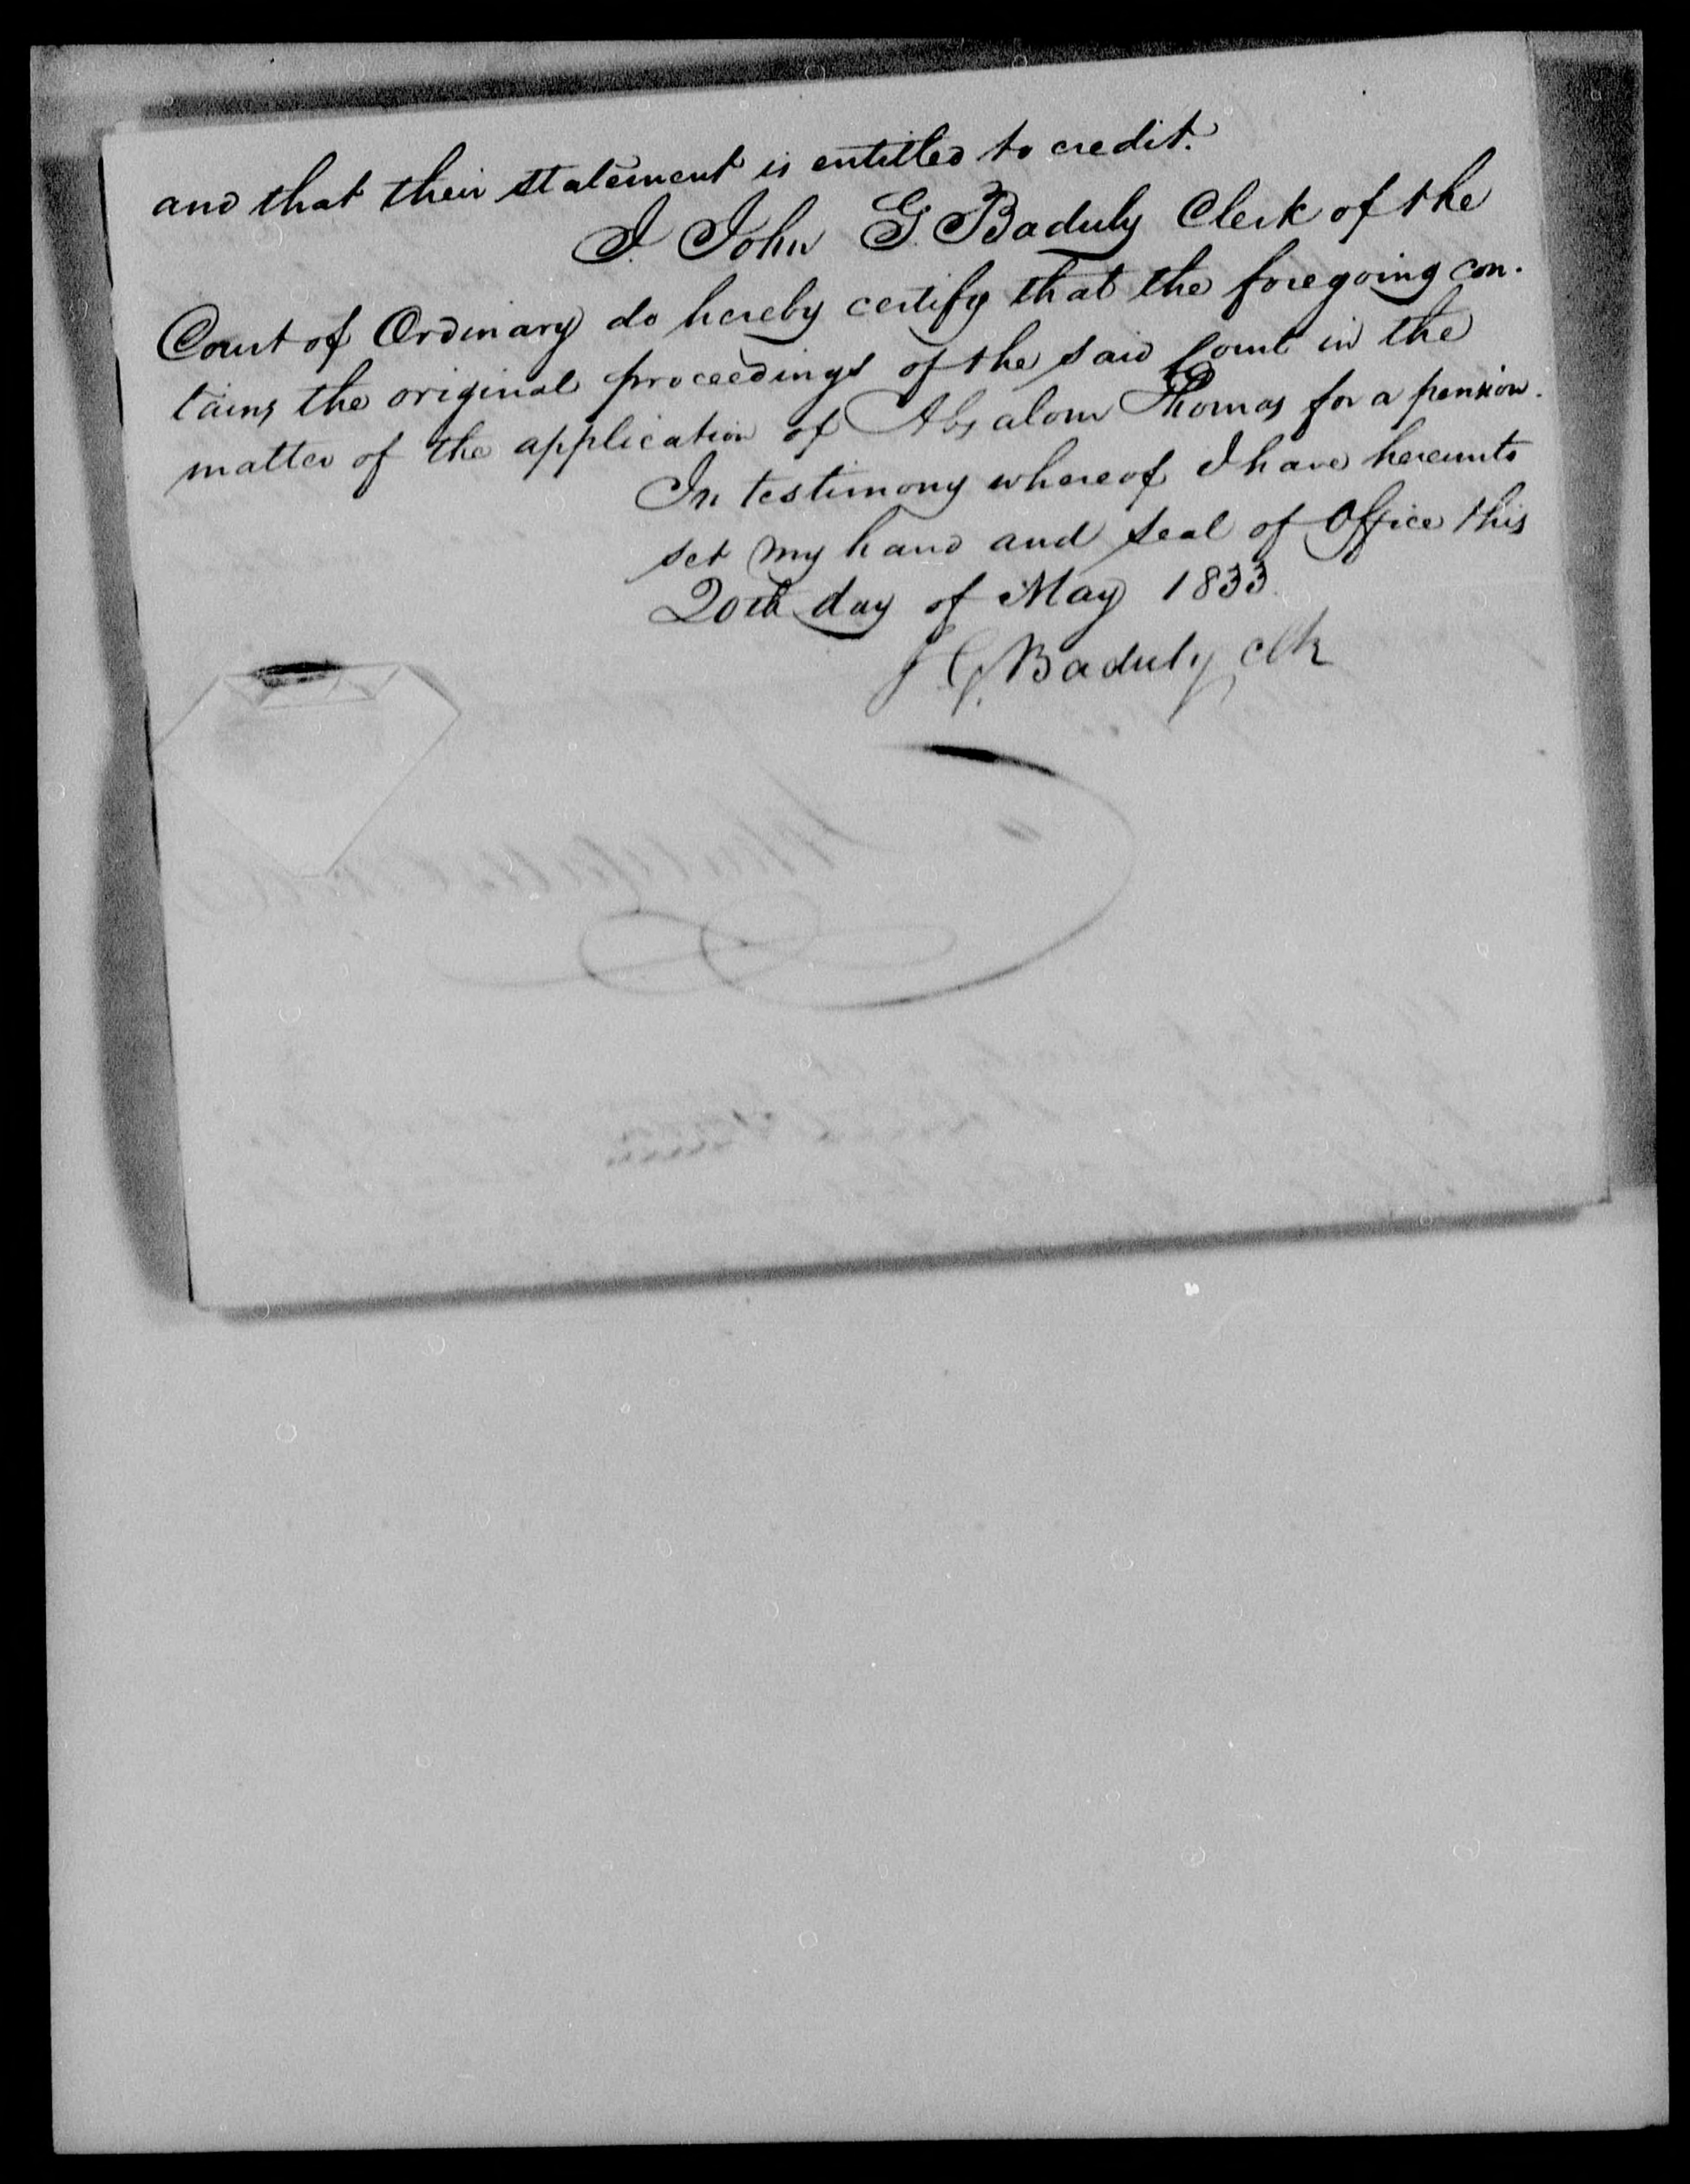and that their statement is entitled to credit.
I John G. Baduly Clerk of the Court of Ordinary do hereby certify that the foregoing contains the original proceedings of the said Court in the matter of the application of Absalom Thomas for a pension.
In testimony whereof I have hereunto set my hand and seal of office this 20th day of May 1833.
J. G. Baduly, clk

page: 9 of 9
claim: rejected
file: R 10493, for Absalom Thomas, North Carolina